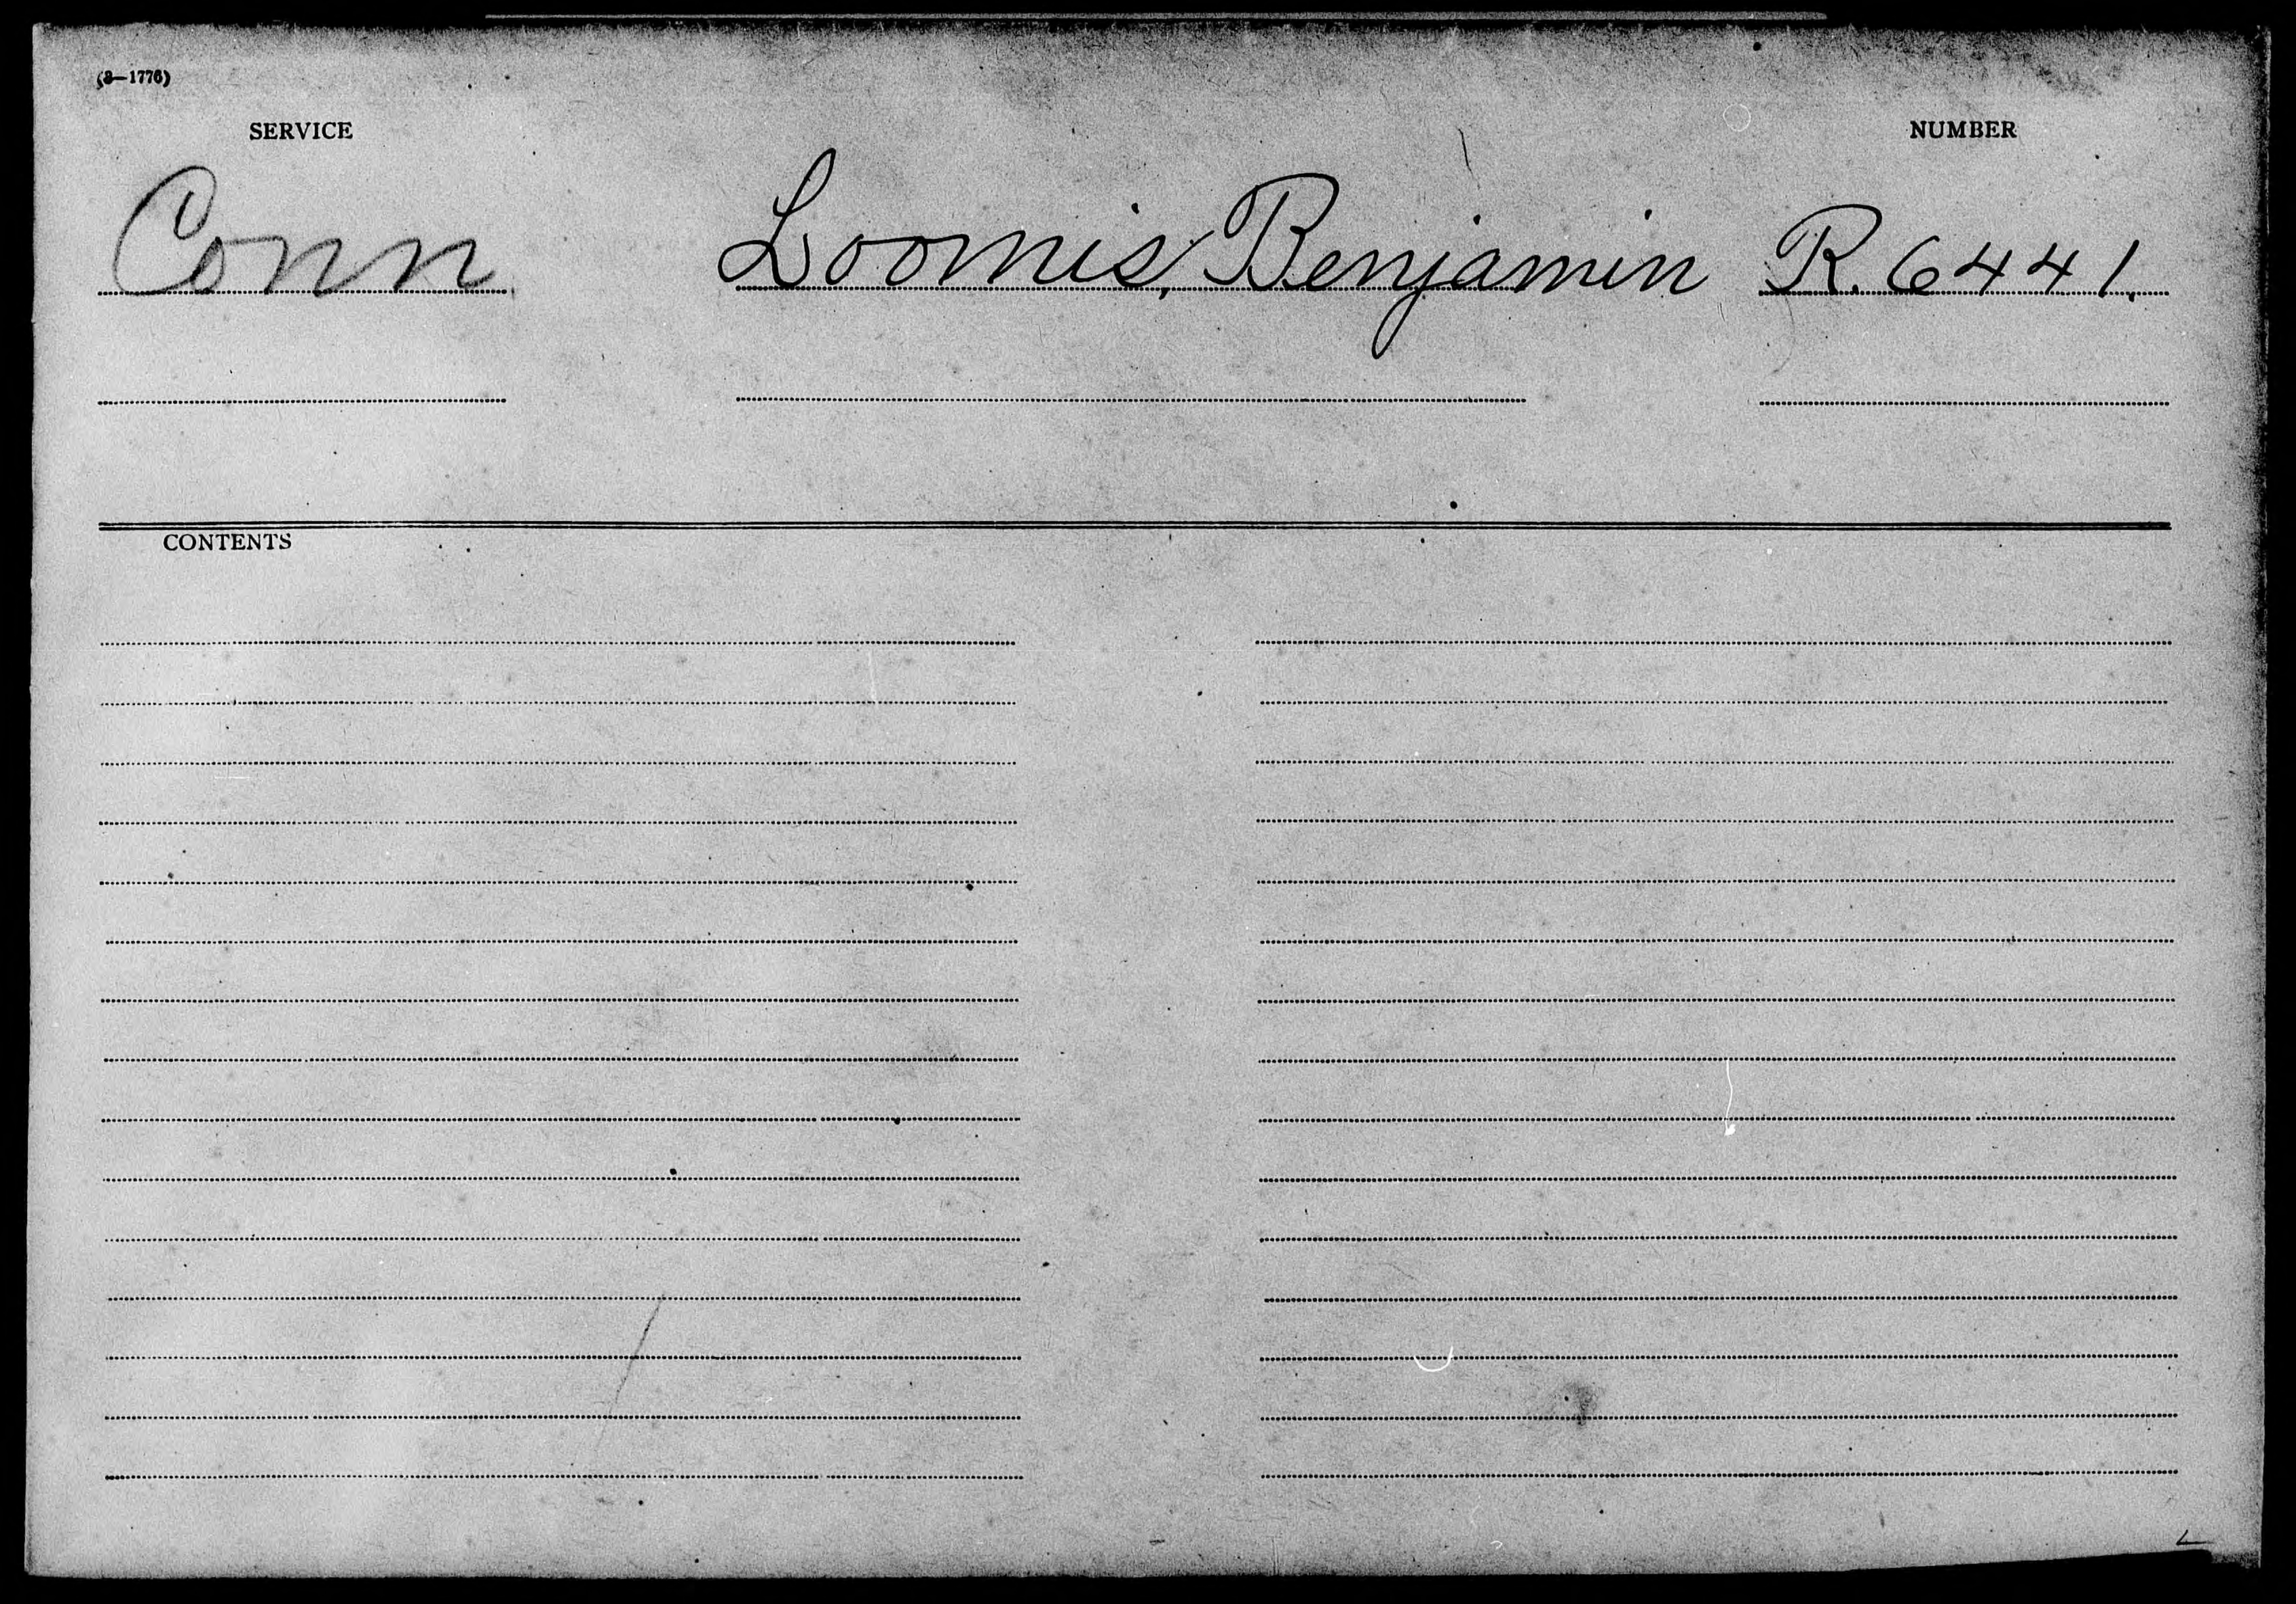SERVICE
Conn
Loomis, Benjamin
NUMBER
R. 6441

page: 1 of 13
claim: rejected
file: R. 6441, for Benjamin Loomis, Connecticut